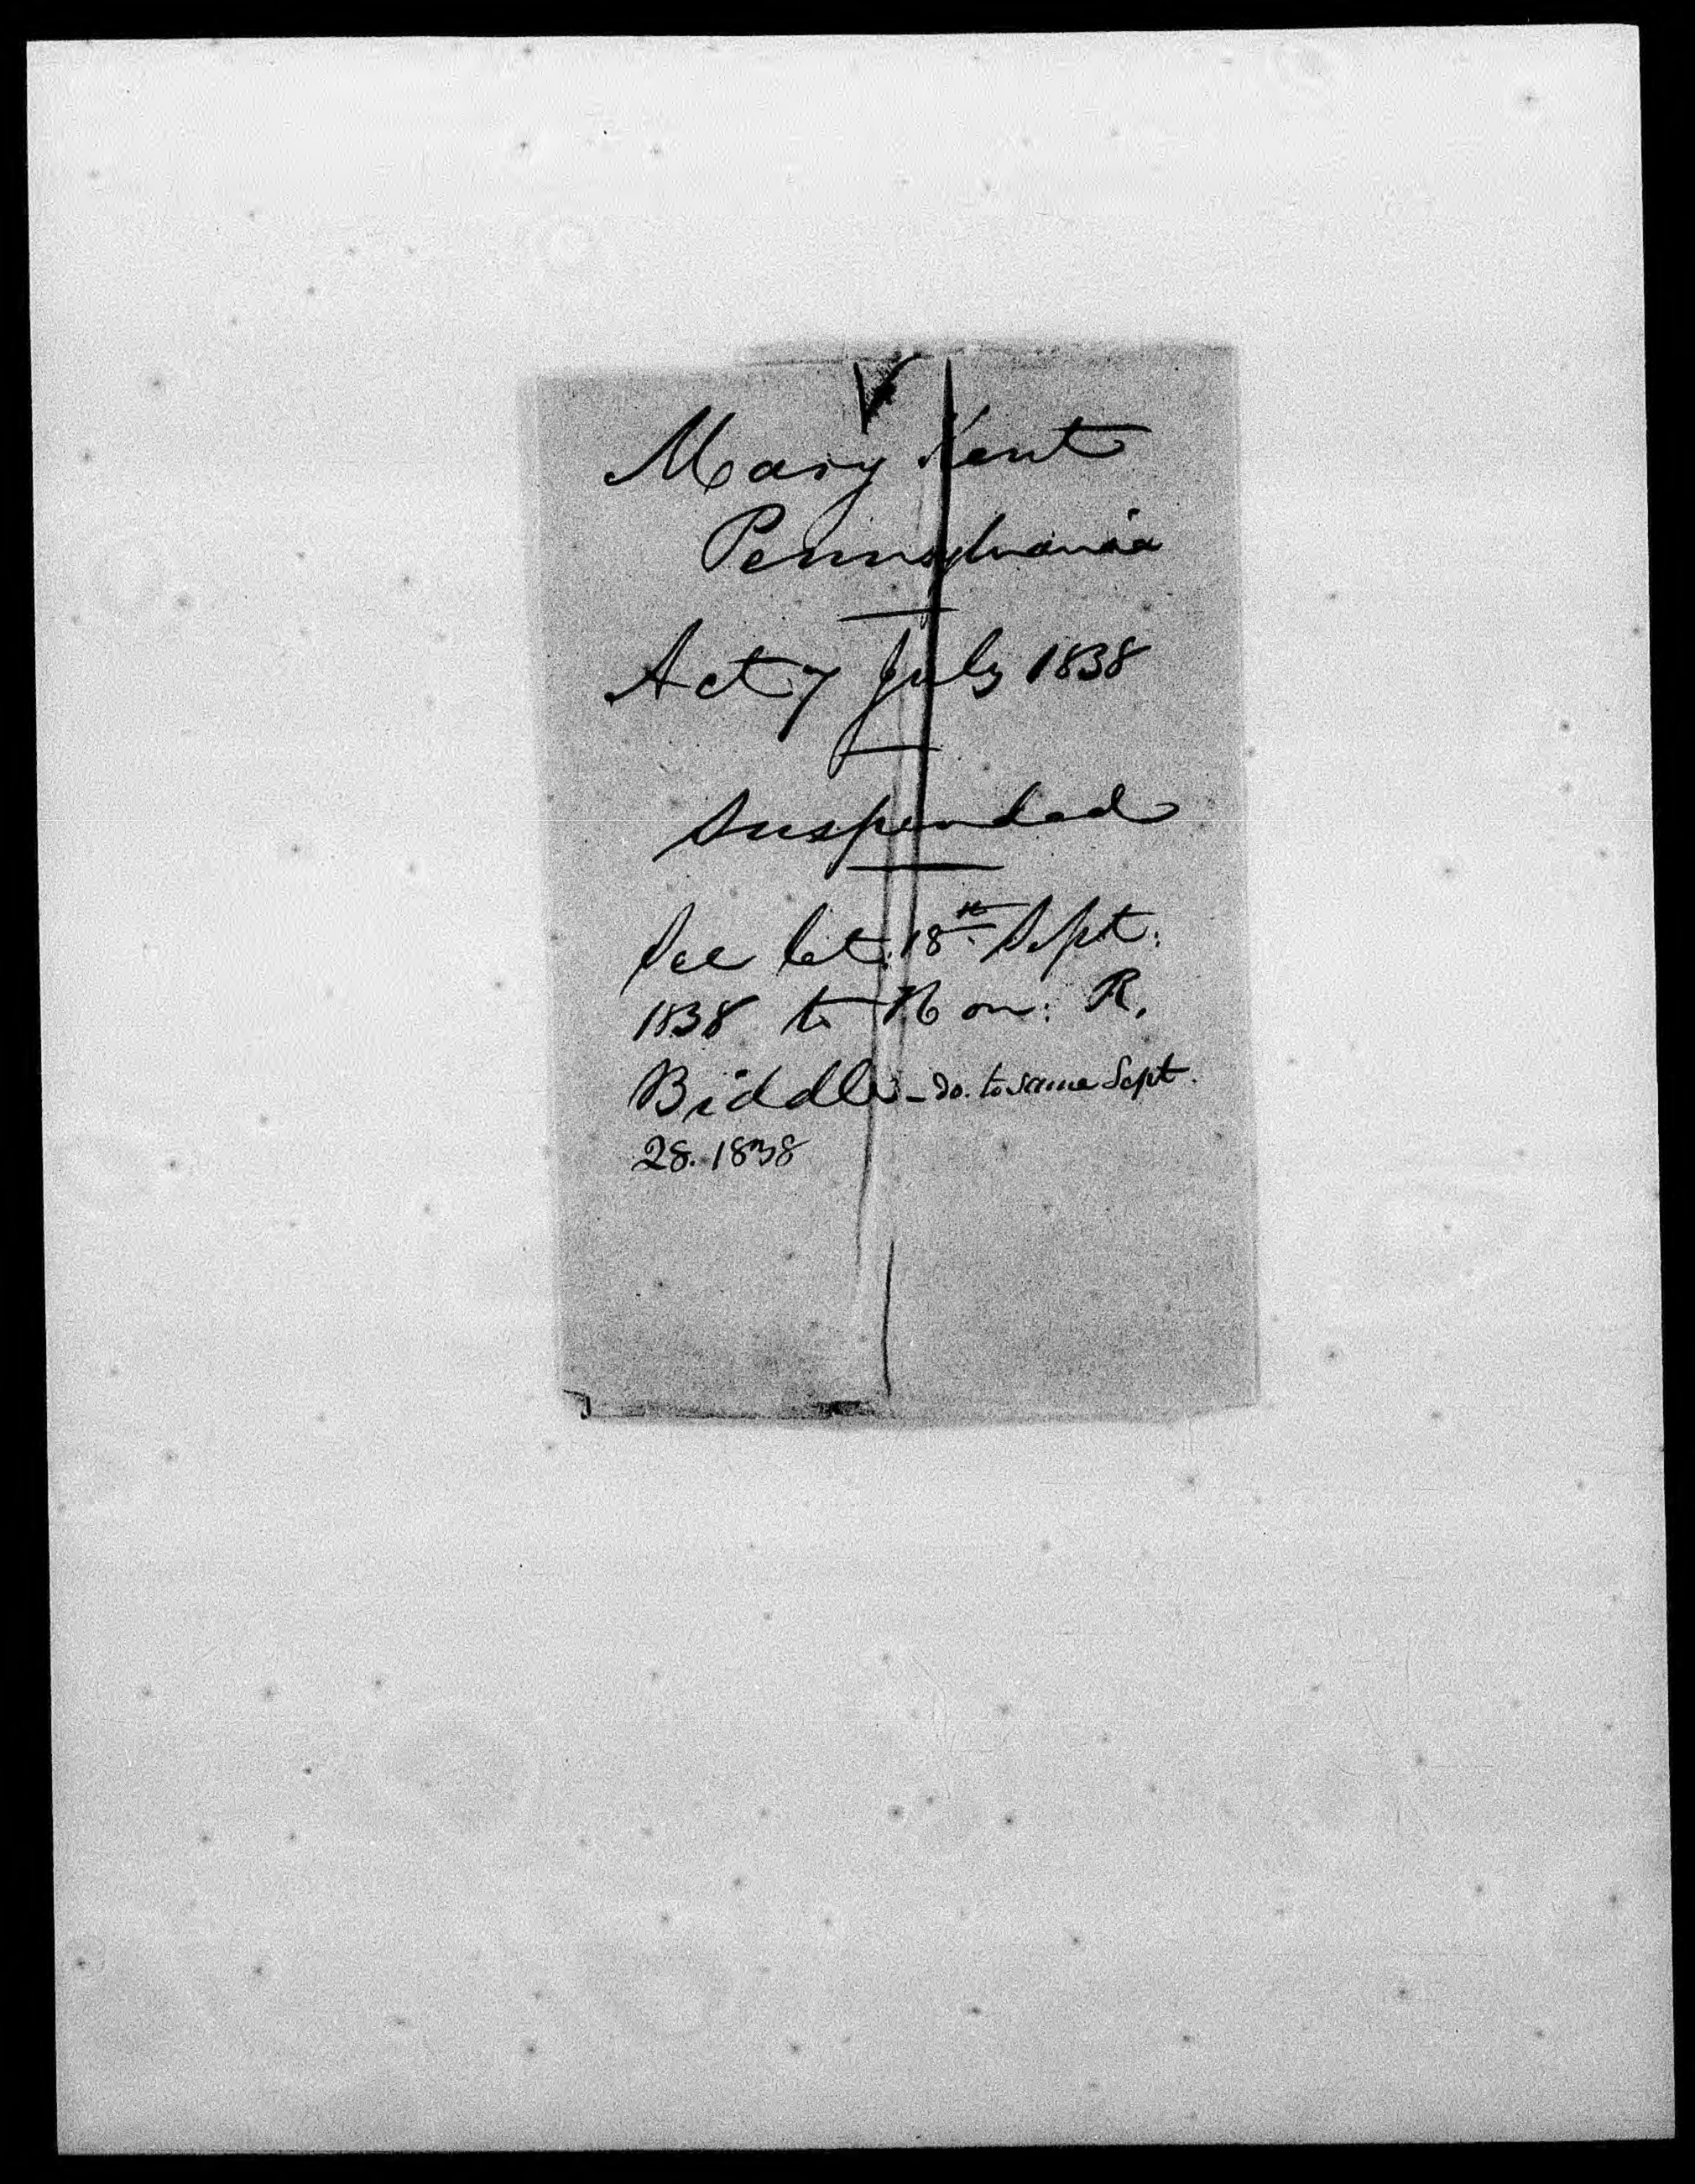Mary Kent
Pennsylvania
---
Act 7 July 1838
---
Suspended
---
See let 18th Sept.
1838 to Hon. R.
Biddle - do. to same Sept.
28. 1838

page: 36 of 50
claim: widow's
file: W. 4253, for John Kent, Vermont